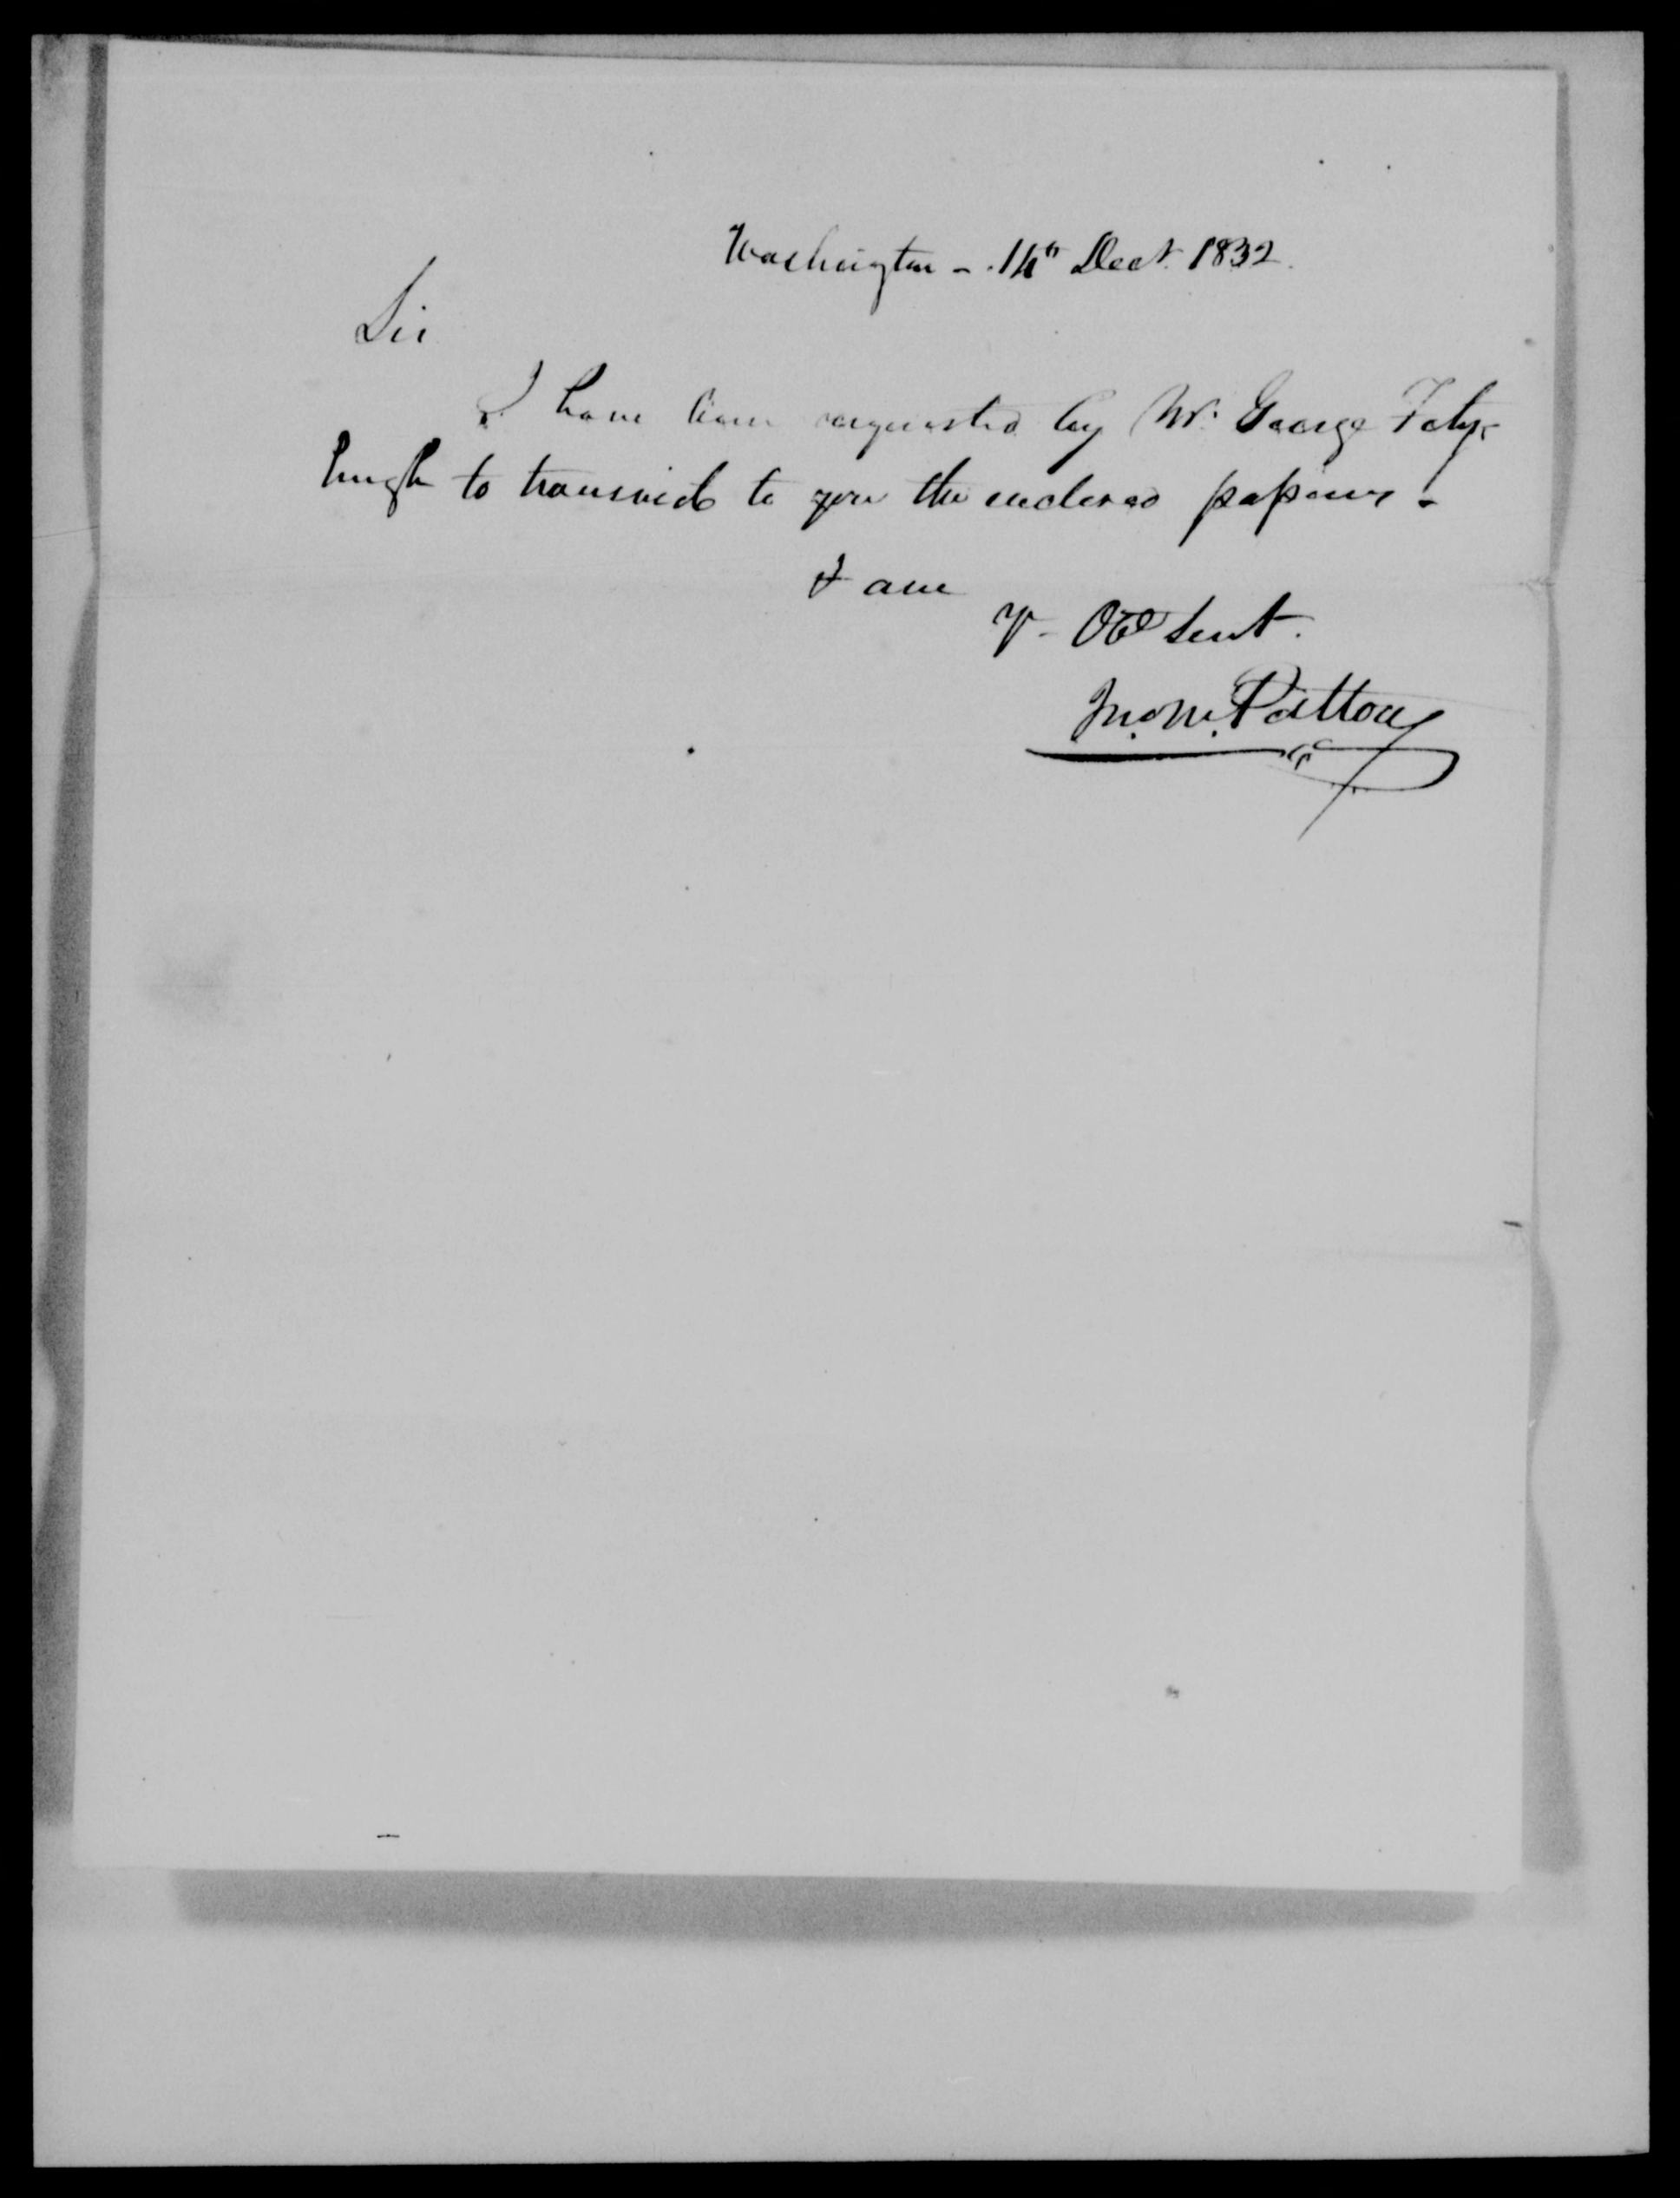Washington 14th December 1832

Sir:
I have been requested by Mr. George Fitzburgh to [illegible] to you the enclosed papers. 
I am
yr Obt Sert.
Jon. M. Patton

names: George Fetyk, Jno M Patton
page: 11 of 13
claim: survivor's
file: S. 7764, William Tucker, Va.